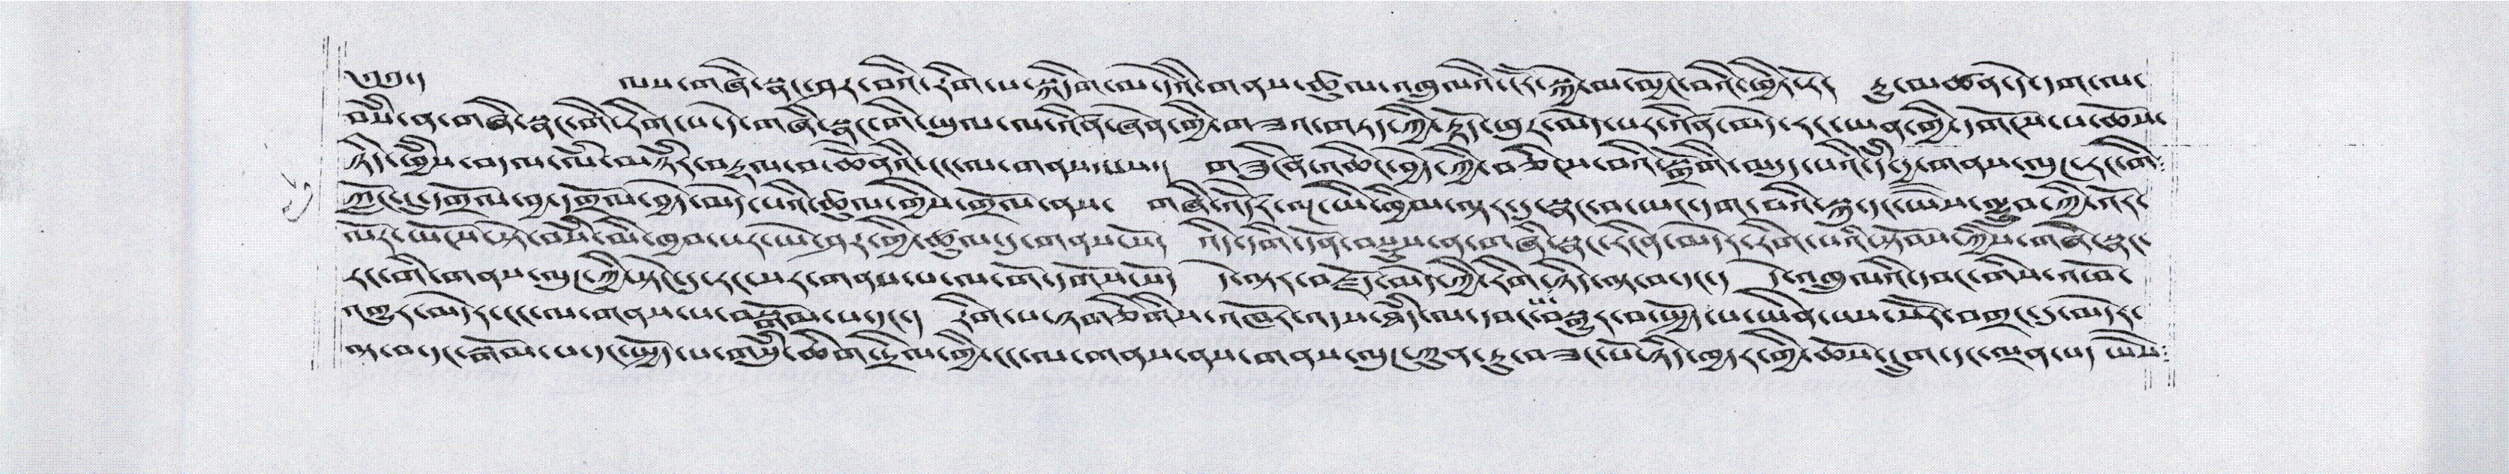གཞི་སྣང་ཤར་བའི་རིག་པ་སྐད་ཅིག་མ་དེའི་གནས་ཚུལ་འཁྲུལ་པའི་ངང་སྐྱེ་མ་མྱོང་བའི་ཕྱིར་རོ། རྒྱུ་མཚན་དེ་དག་ལ་
བསམ་ན་གཞི་སྣང་གི་རིག་པ་དེ་གཞི་སྣང་གི་ཡུལ་ལ་འཛིན་ཞེན་གྱི་གཟའ་གཏད་ཀྱི་རྟོད་ཕུར་མེད་པར་འཛིན་མེད་རང་ཡན་གྱི་དགོངས་པ་ཆོས་
ཉིད་ཕྱམ་བདལ་ལམ་མཉམ་པར་བརྡལ་པ་ཆེན་པོའི་ངང་ལ་གནས་པས། གཟུང་འཛིན་འཆིང་བྱེད་ཀྱིས་བཅིང་བའི་སྒྲོག་གི་མདུད་པའི་དམ་རྒྱ་གནས་ལུགས་རང་གི་
ཀློང་དུ་དགྲོལ་བྱ་དགྲོལ་བྱེད་མེད་པའི་ཚུལ་གྱིས་གྲོལ་ནས་གཞི་འོད་ཟེར་ལྔ་ཡི་ཁྱིམ་ལྟར་དུ་སྣང་བ་ཡང་དག་པའི་སྐུ་དང་ཡེ་ཤེས་ལྷུན་གྲུབ་ཀྱི་འཁོར་
ལོར་ཡོངས་ཏེ་བསམ་མི་ཁྱབ་པར་ཡེ་ཤར་གྱི་ཚུལ་དུ་གནས་སོ། འདི་དག་གི་དོན་བསྡུས་ན་གཞི་སྣང་རང་བཞིན་མེད་པར་རིག་པའི་སྟོབས་ཀྱིས་གཞི་སྣང་
རང་གི་གནས་ལུགས་ཀྱི་སྟེང་དུ་རང་སར་གནས་པ་ལ་གོ་དགོས་སོ། དེ་ལྟར་བརྗོད་མེད་ཀྱི་རིགས་ཉིད་བལྟ་བ་དང་དེ་འཁྲུལ་པའི་དབང་གིས་འཕོ་
འགྱུར་མེད་པར་ངང་ལ་གནས་པ་བསྒོམ་པ་དང་། རིག་པ་ཉག་གཅིག་གིས་འཁོར་འདས་ཐམས་ཅད་ལ་དབང་བསྒྱུར་བ་སྤྱོད་པ་ཡིན་པས་སོ་སོར་བགྲང་དུ་མེད་པར་
ལྟ་བ་དང་སྤྱོད་པ་དང་སྒོམ་པ་གསུམ་ཆིག་དྲིལ་གྱི་ངང་ལ་གནས་ནས་གནས་ལུགས་ཀུན་ཏུ་བཟང་པོ་ཉིད་ཁྱད་པར་གྱི་ཆོས་དྲུག་དང་ལྡན་པ། ཡེ་ཤེས་